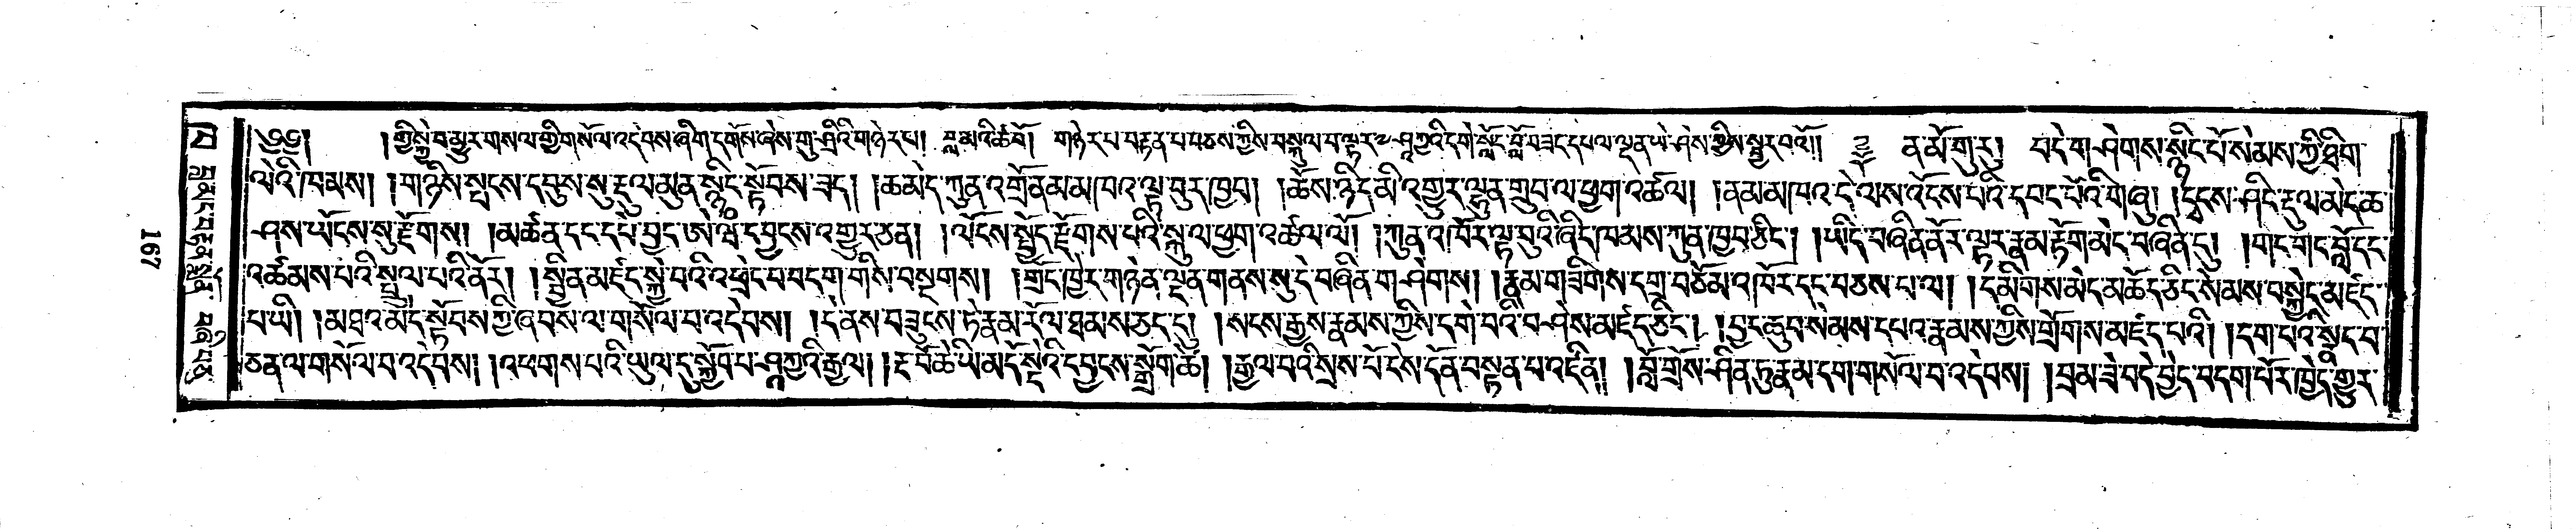༄༅། །གྱི་སྐྱེ་བ་མྱུར་གསལ་གྱི་གསོལ་འདེབས་ཞིག་དགོས་ཞེས་གུ་ཤྲིའི་གཉེར་པ། བླ་མའི་ཚ་བོ། གཉེར་པ་བརྟན་པ་བཅས་ཀྱིས་བསྐུལ་པ་ལྟར་༧་ཤཱཀྱའི་དགེ་སློང་བློ་བཟང་དཔལ་ལྡན་ཡེ་ཤེས་ཀྱིས་སྦྱར་བའོ།། ༈ ན་མོ་གུ་རུ། བདེ་གཤེགས་སྙིང་པོ་སེམས་ཀྱི་ཐིག་
ལེའི་ཁམས། །གཉིས་སྤངས་དབུས་སུ་རྡུལ་མུན་སྙིང་སྟོབས་ཟད། །ཆ་མེད་ཀུན་འགྲོ་ནམ་མཁའ་ལྟ་བུར་ཁྱབ། །ཆོས་ཉིད་མི་འགྱུར་ལྷུན་གྲུབ་ལ་ཕྱག་འཚལ། །ནམ་མཁའ་དེ་ལས་འོངས་པའི་དབང་པོའི་གཞུ། །དྭངས་ཤིང་རྡུལ་མེད་ཆ་
ཤས་ཡོངས་སུ་རྫོགས། །མཚན་དང་དཔེ་བྱད་ཨེ་ཝཾ་དབྱངས་འགྱུར་ཅན། །ལོངས་སྤྱོད་རྫོགས་པའི་སྐུ་ལ་ཕྱག་འཚལ་ལོ། །ཀུན་འཁོར་ལྟ་བུའི་ཞིང་ཁམས་ཀུན་ཁྱབ་ཅིང་། །ཡིད་བཞིན་ནོར་ལྟར་རྣམ་རྟོག་མེད་བཞིན་དུ། །གང་གང་བློ་དང་
འཚམས་པའི་སྤྲུལ་པའི་ནོར། །སྦྱིན་མཛད་སྐྱེ་བའི་འཕྲེང་བ་བདག་གིས་བསྔགས། །གྲོང་ཁྱེར་གཉེན་ལྡན་གནས་སུ་དེ་བཞིན་གཤེགས། །རྣམ་གཟིས་དགྲ་བཅོམ་འཁོར་དང་བཅས་པ་ལ། །དམིགས་མེད་མཆོད་ཅིང་སེམས་བསྐྱེད་མཛད་
པ་ཡི། །མཐའ་མེད་སྟོབས་ཀྱི་ཞབས་ལ་གསོལ་བ་འདེབས། །དེ་ནས་བཟུངས་ཏེ་རྣམ་རོལ་ཐམས་ཅད་དུ། །སངས་རྒྱས་རྣམས་ཀྱིས་དགེ་བའི་བཤེས་མཛད་ཅིང་། །བྱང་ཆུབ་སེམས་དཔའ་རྣམས་ཀྱིས་གྲོགས་མཛད་པའི། །དག་པའི་སྣང་བ་
ཅན་ལ་གསོལ་བ་འདེབས། །འཕགས་པའི་ཡུལ་དུ་སྐྱོབ་པ་ཤཱཀྱའི་རྒྱལ། །རྔ་བོ་ཆེ་ཡི་མདོ་སྡེའི་དབྱངས་སྒྲོག་ཚེ། །རྒྱལ་བའི་སྲས་པོ་ངེས་དོན་བསྟན་པ་འཛིན། །བློ་གྲོས་ཤིན་ཏུ་རྣམ་དག་གསོལ་བ་འདེབས། །བྲམ་ཟེ་བདེ་བྱེད་བདག་པོར་ཁྱེད་གྱུར་